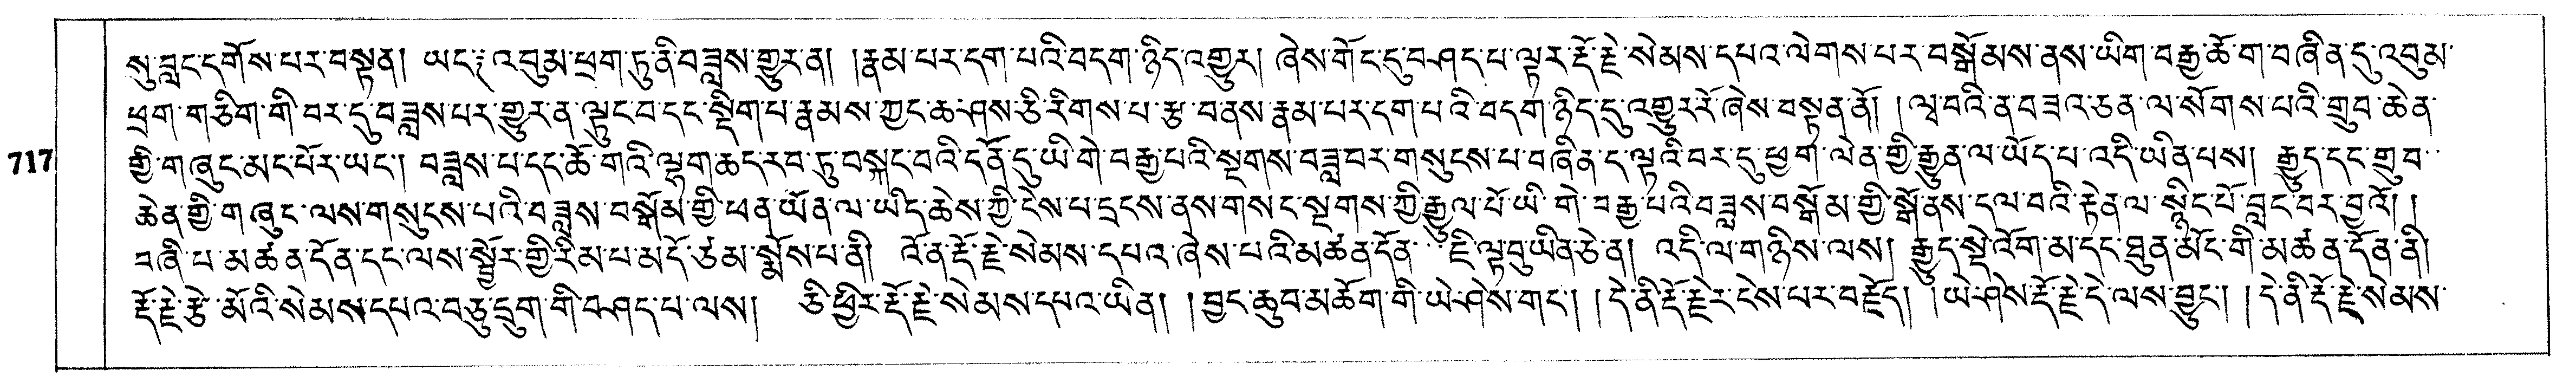སུ་བླང་དགོས་པར་བསྟན། ཡང༑ འབུམ་ཕྲག་ཏུ་ནི་བཟླས་གྱུར་ན། །རྣམ་པར་དག་པའི་བདག་ཉིད་འགྱུར། ཞེས་གོང་དུ་བཤད་པ་ལྟར་རྡོ་རྗེ་སེམས་དཔའ་ལེགས་པར་བསྒོམས་ནས་ཡིག་བརྒྱ་ཆོ་ག་བཞིན་དུ་འབུམ་
ཕྲག་གཅིག་གི་བར་དུ་བཟླས་པར་གྱུར་ན་ལྟུང་བ་དང་སྡིག་པ་རྣམས་ཀྱང་ཆ་ཤས་ཅི་རིགས་པ་རྩ་བ་ནས་རྣམ་པར་དག་པའི་བདག་ཉིད་དུ་འགྱུར་རོ་ཞེས་བསྟན་ནོ། །ལྭ་བའི་ན་བཟའ་ཅན་ལ་སོགས་པའི་གྲུབ་ཆེན་
གྱི་གཞུང་མང་པོར་ཡང་། བཟླས་པ་དང་ཆོ་གའི་ལྷག་ཆད་རབ་ཏུ་བསྐང་བའི་དོན་དུ་ཡི་གེ་བརྒྱ་པའི་སྔགས་བཟླ་བར་གསུངས་པ་བཞིན་ད་ལྟའི་བར་དུ་ཕྱག་ལེན་གྱི་རྒྱུན་ལ་ཡོད་པ་འདི་ཡིན་པས། རྒྱུད་དང་གྲུབ་
ཆེན་གྱི་གཞུང་ལས་གསུངས་པའི་བཟླས་བསྒོམ་གྱི་ཕན་ཡོན་ལ་ཡིད་ཆེས་ཀྱི་ངེས་པ་དྲངས་ནས་གསང་སྔགས་ཀྱི་རྒྱུལ་པོ་ཡི་གེ་བརྒྱ་པའི་བཟླས་བསྒོམ་གྱི་སྒོ་ནས་དལ་བའི་རྟེན་ལ་སྙིང་པོ་བླང་བར་བྱའོ། །
བཞི་པ་མཚན་དོན་དང་ལས་སྦྱོར་གྱི་རིམ་པ་མདོ་ཙམ་སྨོས་པ་ནི། འོ་ན་རྡོ་རྗེ་སེམས་དཔའ་ཞེས་པའི་མཚན་དོན་ཇི་ལྟ་བུ་ཡིན་ཅེ་ན། འདི་ལ་གཉིས་ལས། རྒྱུད་སྡེ་འོག་མ་དང་ཐུན་མོང་གི་མཚན་དོན་ནི།
རྡོ་རྗེ་རྩེ་མོའི་སེམས་དཔའ་བཅུ་དྲུག་གི་བཤད་པ་ལས། ཅི་ཕྱིར་རྡོ་རྗེ་སེམས་དཔའ་ཡིན། །བྱང་ཆུབ་མཆོག་གི་ཡེ་ཤེས་གང་། །དེ་ནི་རྡོ་རྗེར་ངེས་པར་བརྗོད། །ཡེ་ཤེས་རྡོ་རྗེ་དེ་ལས་བྱུང་། །དེ་ནི་རྡོ་རྗེ་སེམས་